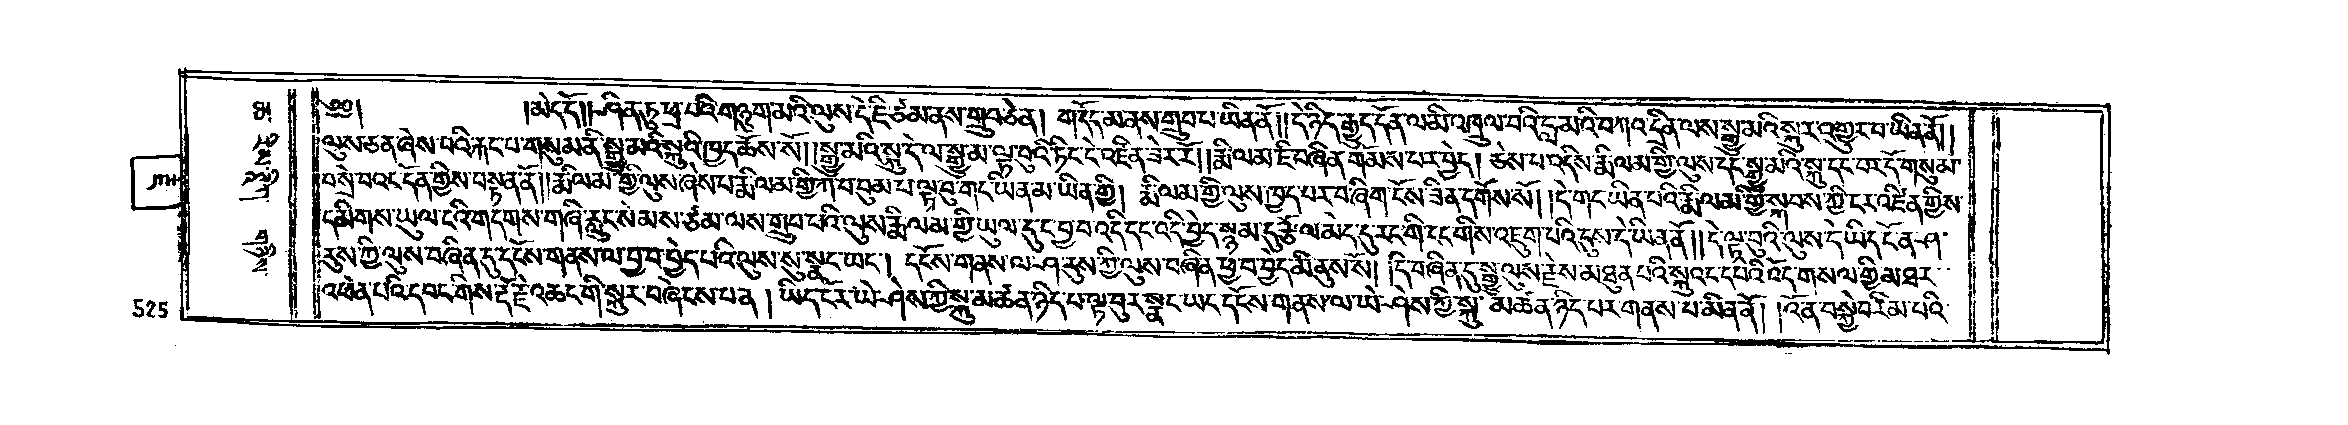༄༅། །མེད་དོ། །ཤིན་ཏུ་ཕྲ་བའི་གཉུག་མའི་ལུས་དེ་ཇི་ཙམ་ནས་གྲུབ་ཅེ་ན། གདོད་མ་ནས་གྲུབ་པ་ཡིན་ནོ། །དེ་ཉིད་རྒྱུད་དོན་ལ་མི་འཁྲུལ་བའི་བླ་མའི་བཀའ་དྲིན་ལས་སྒྱུ་མའི་སྐུར་འགྱུར་བ་ཡིན་ནོ། །
ལུས་ཅན་ཞེས་པའི་རྐང་པ་གསུམ་ནི་སྒྱུ་མའི་སྐུའི་ཁྱད་ཆོས་སོ། །སྒྱུ་མའི་སྐུ་དེ་ལ་སྒྱུ་མ་ལྟ་བུའི་ཏིང་ངེ་འཛིན་ཟེར་རོ། །རྨི་ལམ་ཇི་བཞིན་གོམས་པར་བྱེད། ཅེས་པ་འདིས་རྨི་ལམ་གྱི་ལུས་དང་སྒྱུ་མའི་སྐུ་དང་བར་དོ་གསུམ་
བསྲེ་བའང་དོན་གྱིས་བསྟན་ནོ། །རྨི་ལམ་གྱི་ལུས་ཞེས་པ་རྨི་ལམ་གྱི་ཀ་བ་བུམ་པ་ལྟ་བུ་གང་ཡིན་མ་ཡིན་གྱི། རྨི་ལམ་གྱི་ལུས་ཁྱད་པར་བ་ཞིག་ངོས་ཟིན་དགོས་སོ། །དེ་གང་ཡིན་པའི་རྨི་ལམ་གྱི་སྐབས་ཀྱི་ངར་འཛིན་གྱིས་
དམིགས་ཡུལ་ངའི་གདགས་གཞི་རླུང་སེམས་ཙམ་ལས་གྲུབ་པའི་ལུས་རྨི་ལམ་གྱི་ཡུལ་དུ་ང་བྱ་བ་འདི་དང་འདི་བྱེད་སྙམ་དུ་རྩོལ་མེད་དུ་རང་གི་ངང་གིས་འཇུག་པའི་དུས་དེ་ཡིན་ནོ། །དེ་ལྟ་བུའི་ལུས་དེ་ཡིད་ངོ་ན་ཤ་
རུས་ཀྱི་ལུས་བཞིན་དུ་དངོས་གནས་ལ་བྱ་བ་བྱེད་པའི་ལུས་སུ་སྣང་ཡང་། དངོས་གནས་ལ་ཤ་རུས་ཀྱི་ལུས་བཞིན་བྱ་བ་བྱེད་མི་ནུས་སོ། །དེ་བཞིན་དུ་སྒྱུ་ལུས་རྗེས་མཐུན་པའི་སྐུའང་དཔེའི་འོད་གསལ་གྱི་མཐར་
འཕེན་པའི་དབང་གིས་རྡོ་རྗེ་འཆང་གི་སྐུར་བཞེངས་པ་ན། ཡིད་ངོར་ཡེ་ཤེས་ཀྱི་སྐུ་མཚན་ཉིད་པ་ལྟ་བུར་སྣང་ཡང་དངོས་གནས་ལ་ཡེ་ཤེས་ཀྱི་སྐུ་མཚན་ཉིད་པར་གནས་པ་མིན་ནོ། །འོ་ན་བསྐྱེད་རིམ་པའི་